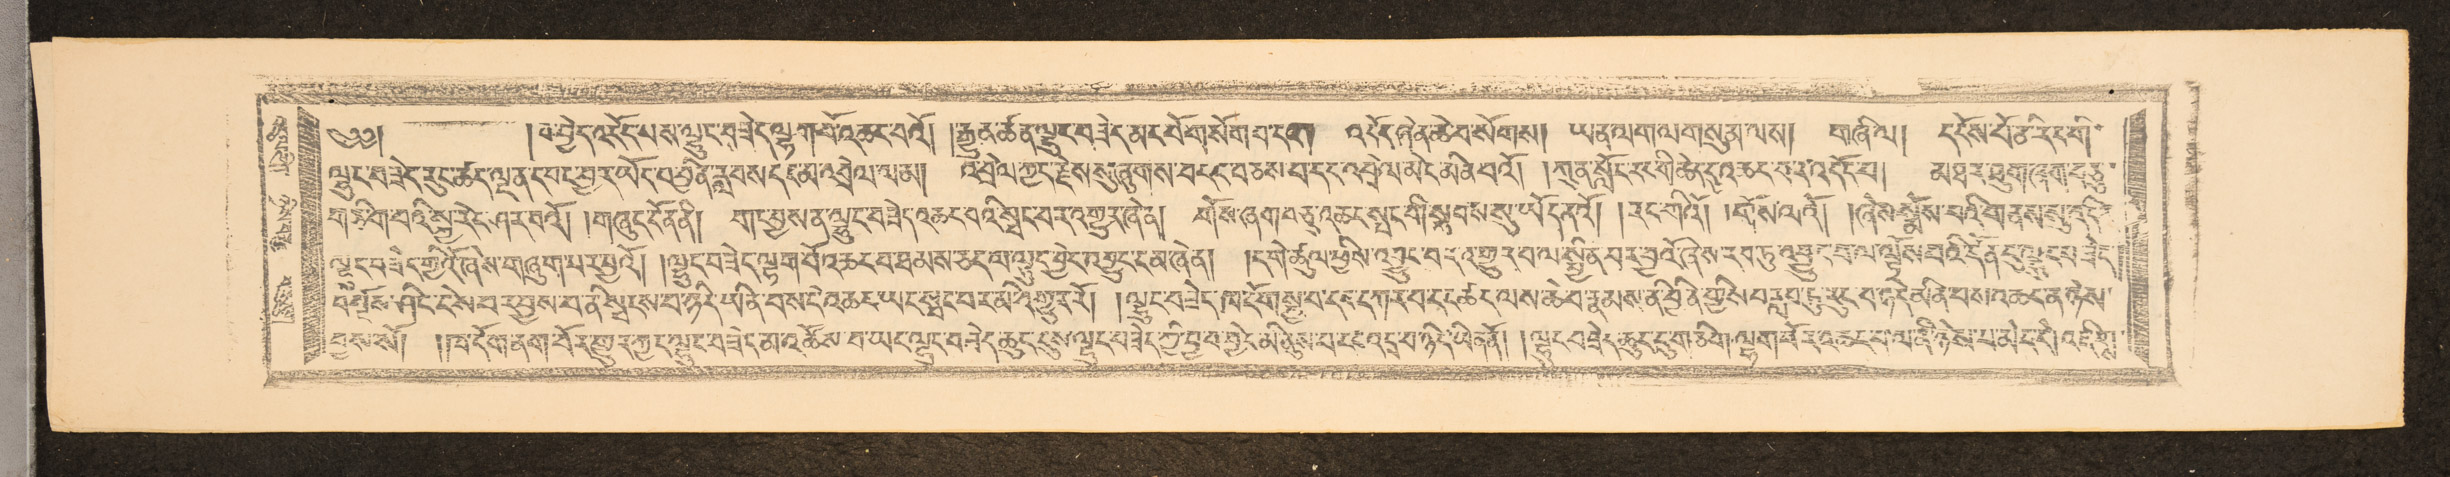༄༅། །པ་བྱེད་འདོད་པས་ལྷུང་བཟེད་ལྷག་པོ་འཆད་བའོ། །རྒྱུ་མཚན་ལྷུང་བཟེད་མང་པོ་གསོག་པ་དང་། འདོད་ཞེན་ཆེ་བ་སོགས། ཡན་ལག་ལ་གསུམ་ལས། གཞི་ལ། དངོས་པོ་ནི་རང་གི་
ལྷུང་བཟེད་རུང་ཚད་ལྡན་དབང་བྱར་ཡོད་པ་བྱིན་རླབས་དང་མ་འབྲེལ་ལམ། འབྲེལ་ཀྱང་རྗེས་སུ་ཞུགས་པ་དང་བཅས་པ་དང་འབྲེལ་མེད་མིན་པའོ། །ཀུན་སློང་རང་གི་ཆེད་དུ་འཆད་བར་འདོད་པ། མཐར་ཐུག་ཞག་བཅུ་
གཅིག་པའི་སྐྱ་རེང་ཤར་བའོ། །གཞུང་དོན་ནི། གང་བྱས་ན་ལྷུང་བཟེད་འཆང་བའི་སྤང་བར་འགྱུར་ཞེ་ན། གོས་ཞག་བཅུ་འཆད་སྤང་གི་སྐབས་སུ་ཡོད་ནའོ། །རང་གིའོ། །གོས་ལའོ། །ཞེས་སྨོས་པའི་གནས་སུ་འདིར་
ལྷུང་བཟེད་ཀྱིའོ་ཞེས་གཞུག་པར་བྱའོ། །ལྷུང་བཟེད་ལྷག་པོ་འཆང་བ་ཐམས་ཅད་ལ་ལྟུང་བྱེད་འབྱུང་ངམ་ཞེ་ན། དགེ་ཚུལ་ཕྱིས་འབྱུང་བར་འགྱུར་བ་ལ་སྦྱིན་པར་བྱའོ་ཞེས་རབ་ཏུ་འབྱུང་བ་ལ་ལྟོས་པའི་དོན་དུ་ལྷུང་བཟེད་
བསྔོས་ཤིང་ངེས་པར་བྱས་པ་ནི་སྤངས་པ་ཉིད་ཡིན་པས་དེ་འཆང་ཡང་སྤང་བར་མི་འགྱུར་རོ། །ལྷུང་བཟེད་ཁ་དོག་སྐྱ་བ་དང་དཀར་བ་དང་ཚད་ལས་ཆེ་བ་རྣམས་ནི་བྱིན་གྱིས་བརླབ་ཏུ་རུང་བ་ཉིད་མིན་པས་འཆད་ན་ཉེས་
བྱས་སོ། །ཁ་དོག་ནག་པོར་གྱུར་ཀྱང་ལྷུང་བཟེད་མ་འཚོས་པ་ཡང་ལྷུང་བཟེད་ཆུང་དུས་ལྷུང་བཟེད་ཀྱི་བྱ་བ་བྱེད་མི་ནུས་པ་དོང་འདྲ་བ་ཉིད་ཡིན་ནོ། །ལྷུང་བཟེད་ཆུང་དུ་གཅིག་ལྷག་པོར་འཆང་བ་ལ་ནི་ཉེས་པ་མེད་དེ། འཇིགས་